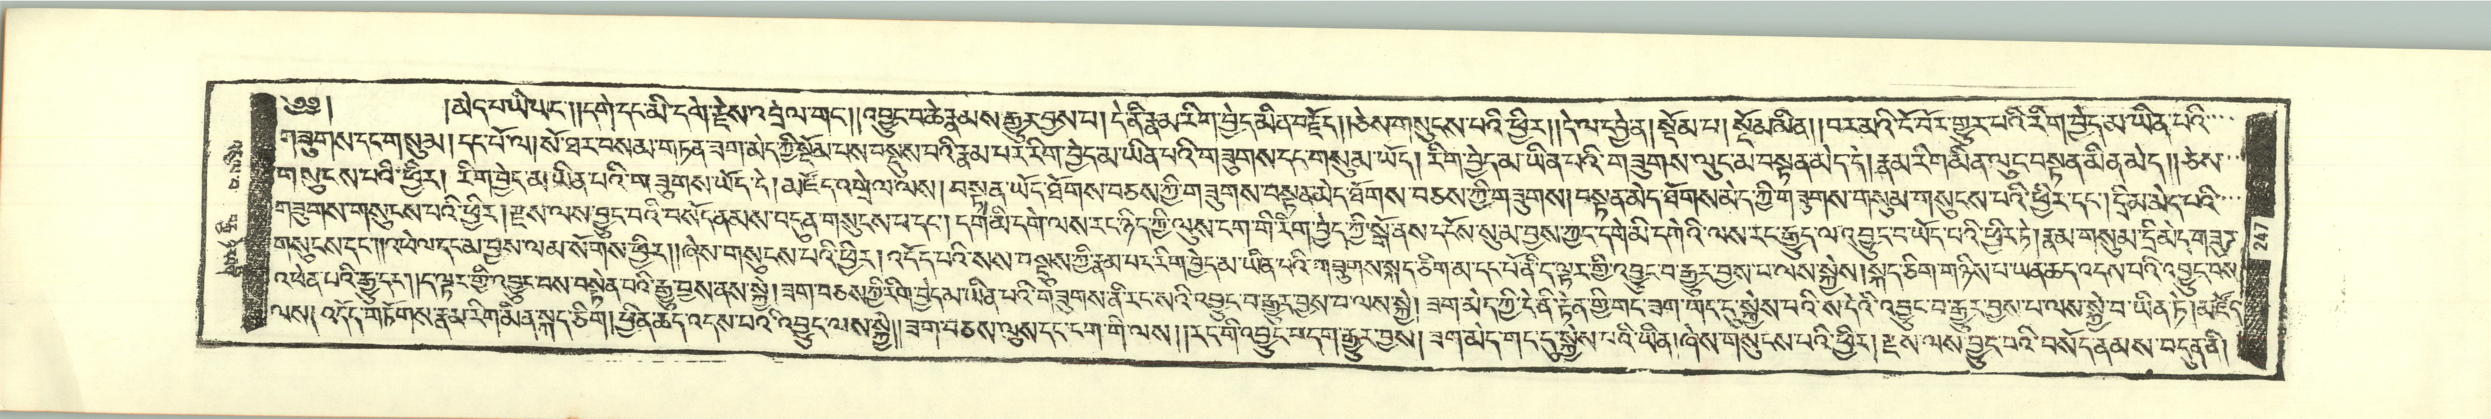༄༅། །མེད་པ་ཡི་ཡང་། །དགེ་དང་མི་དགེ་རྗེས་འབྲེལ་གང་། །འབྱུང་བ་ཆེ་རྣམས་རྒྱུར་བྱས་པ། དེ་ནི་རྣམ་རིག་བྱེད་མིན་བརྗོད། །ཅེས་གསུངས་པའི་ཕྱིར། །དེ་ལ་དབྱེ་ན། སྡོམ་པ། སྡོམ་མིན། །བར་མའི་ངོ་བོར་གྱུར་བའི་རིག་བྱེད་མ་ཡིན་པའི་
གཟུགས་དང་གསུམ། དང་པོ་ལ། སོ་ཐར་བསམ་གཏན་ཟག་མེད་ཀྱི་སྡོམ་པས་བསྡུས་པའི་རྣམ་པར་རིགས་བྱེད་མ་ཡིན་པའི་གཟུགས་དང་གསུམ་ཡོད། རིག་བྱེད་མ་ཡིན་པའི་གཟུགས་ལུང་མ་བསྟན་མེད་དེ། རྣམ་རིགི་གི་མིན་ལུང་བསྟན་མིན་མེད། །ཅེས་
གསུངས་པའི་ཕྱིར། རིག་བྱེད་མ་ཡིན་པའི་གཟུགས་ཡོད་དེ། མཛོད་འགྲེལ་ལས། བསྟན་ཡོད་ཐོགས་བཅས་ཀྱི་གཟུགས་བསྟན་མེད་ཐོགས་བཅས་ཀྱི་གཟུགས། བསྟན་མེད་ཐོགས་མེད་ཀྱི་གཟུགས་གསུམ་གསུངས་པའི་ཕྱིར་དང་། དྲི་མ་མེད་པའི་
གཟུགས་གསུངས་པའི་ཕྱིར། རྫས་ལས་བྱུང་བའི་བསོད་ནམས་བདུན་གསུངས་པ་དང་། དགེ་མི་དགེ་ལས་རང་ཉིད་ཀྱི་ལུས་ངག་གི་རིག་བྱེད་ཀྱི་སྒོ་ནས་དངོས་སུ་མ་བྱས་ཀྱང་དགེ་མི་དགེའི་ལས་རང་རྒྱུད་ལ་འབྱུང་བ་ཡོད་པའི་ཕྱིར་ཏེ། རྣམ་གསུམ་དྲི་མེད་གཟུགས་
གསུངས་དང་། །འཕེལ་དང་མ་བྱས་ལམ་སོགས་ཕྱིར། །ཞེས་གསུངས་པའི་ཕྱིར། འདོད་པའི་སས་བསྡུས་ཀྱི་རྣམ་པར་རིག་བྱེད་མ་ཡིན་པའི་གཟུགས་སྐད་ཅིག་མ་དང་པོ་ནི་ད་ལྟར་གྱི་འབྱུང་བ་རྒྱུར་བྱས་པ་ལས་སྐྱེད། སྐད་ཅིག་གཉིས་པ་ཡན་ཆད་འདས་པའི་འབྱུང་བས་
འཕེན་པའི་རྒྱུ་དང་། །དང་ལྟར་གྱི་འབྱུང་བས་བསྟེན་པའི་རྒྱུ་བྱས་ནས་སྐྱེ། ཟག་བཅས་ཀྱི་རིག་བྱེད་མ་ཡིན་པའི་གཟུགས་ནི་རང་སའི་འབྱུང་བ་རྒྱུར་བྱས་པ་ལས་སྐྱེ། ཟག་མེད་ཀྱི་དེ་ནི་རྟེན་གྱི་གང་ཟག་གང་དུ་སྐྱེས་པའི་ས་དེའི་འབྱུང་བ་རྒྱུར་བྱས་པ་ལས་སྐྱེ་བ་ཡིན་ཏེ། མཛོད་
ལས། འདོད་གཏོགས་རྣམ་རིག་མིན་སྐད་ཅིག །ཕྱིན་ཆད་འདས་པའི་འབྱུང་ལས་སྐྱེ། །ཞག་བཅས་ལུས་དང་ངག་གི་ལས། །རང་གི་འབྱུང་བ་དག་རྒྱུར་བྱས། ཟག་མེད་གང་དུ་སྐྱེས་པའི་ཡིན། ཞེས་གསུངས་པའི་ཕྱིར། རྫས་ལས་བྱུང་བའི་བསོད་ནམས་བདུན་ནི།